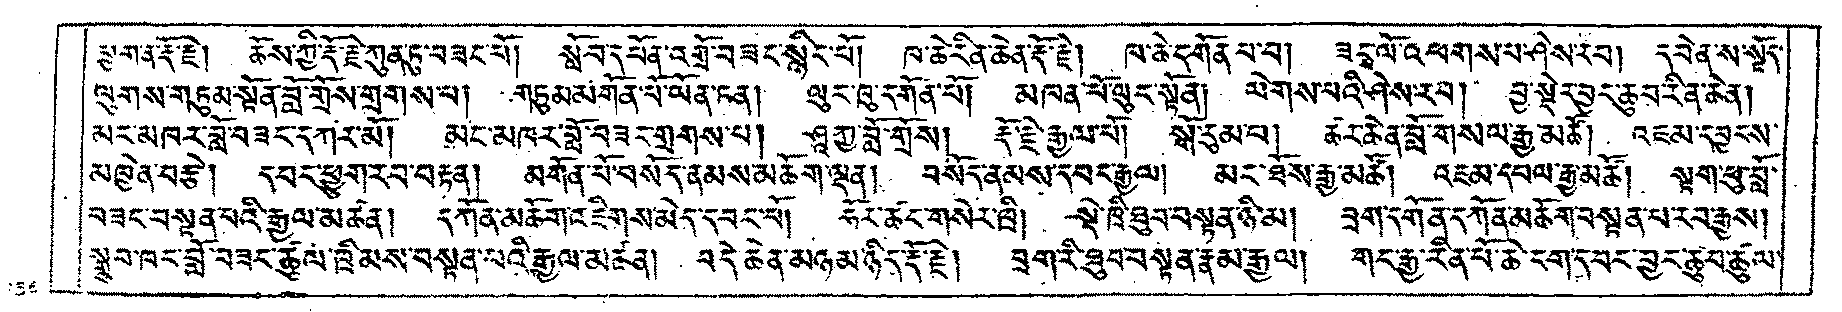ཕྱག་ན་རྡོ་རྗེ། ཆོས་ཀྱི་རྡོ་རྗེ་ཀུན་ཏུ་བཟང་པོ། སློབ་དཔོན་འགྲོ་བཟང་སྙིང་པོ། ཁ་ཆེ་རིན་ཆེན་རྡོ་རྗེ། ཁ་ཆེ་དགོན་པ་བ། ཟངས་ལོ་འཕགས་པ་ཤེས་རབ། དབེན་ས་སྟོད་
ལུགས་གཏུམ་སྟོན་བློ་གྲོས་གྲགས་པ། གཏུམ་མགོན་པོ་ཡོན་ཏན། ལུང་ཁུ་དགོན་པོ། མཁན་པོ་ལུང་སྟོན། ལེགས་པའི་ཤེས་རབ། བྱ་སྡེར་བྱང་ཆུབ་རིན་ཆེན།
མང་མཁར་བློ་བཟང་དཀར་མོ། མང་མཁར་བློ་བཟང་གྲགས་པ། ཤཱཀྱ་བློ་གྲོས། རྡོ་རྗེ་རྒྱལ་པོ། སྒོ་རུམ་པ། ཚར་ཆེན་བློ་གསལ་རྒྱ་མཚོ། འཇམ་དབྱངས་
མཁྱེན་བརྩེ། དབང་ཕྱུག་རབ་བརྟན། མགོན་པོ་བསོད་ནམས་མཆོག་ལྡན། བསོད་ནམས་དབང་རྒྱལ། མང་ཐོས་རྒྱ་མཚོ། འཇམ་དཔལ་རྒྱ་མཚོ། སྟག་ཕུ་བློ་
བཟང་བསྟན་པའི་རྒྱལ་མཚན། དཀོན་མཆོག་འཇིགས་མེད་དབང་པོ། ཧོར་ཚང་གསེར་ཁྲི། སྡེ་ཁྲི་ཐུབ་བསྟན་ཉི་མ། བྲག་དགོན་དཀོན་མཆོག་བསྟན་པ་རབ་རྒྱས།
སྒྲུབ་ཁང་བློ་བཟང་ཚུལ་ཁྲིམས་བསྟན་པའི་རྒྱལ་མཚན། བདེ་ཆེན་མཉམ་ཉིད་རྡོ་རྗེ། བྲག་རི་ཐུབ་བསྟན་རྣམ་རྒྱལ། གང་རྒྱ་རིན་པོ་ཆེ་ངག་དབང་བྱང་ཆུབ་ཚུལ་